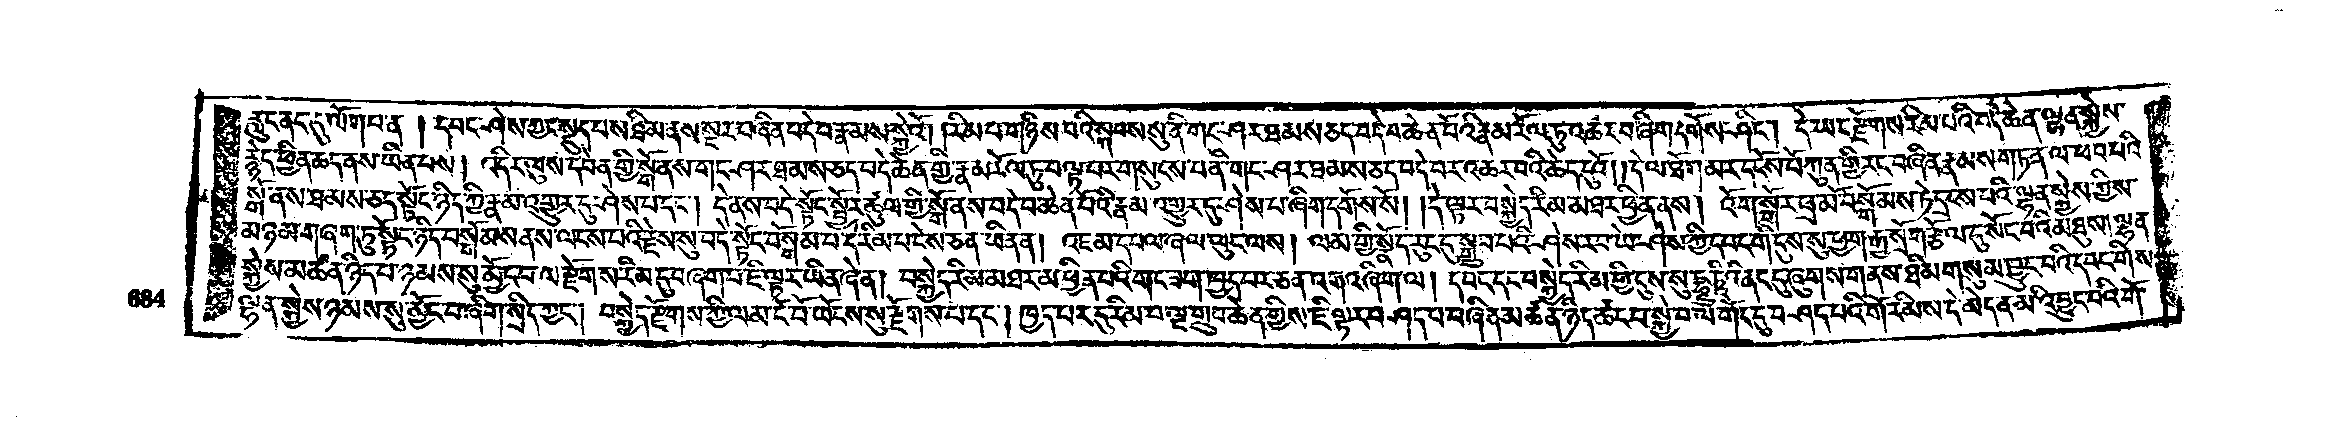རླུང་ནང་དུ་ལོག་པ་ན། དབང་ཤེས་ཀྱང་སྡུད་པས་ཐིམ་ནས་སྔར་བཞིན་བདེ་བ་རྣམས་སྐྱེའོ། །རིམ་པ་གཉིས་པའི་སྐབས་སུ་ནི་གང་ཤར་ཐམས་ཅད་བདེ་བ་ཆེན་པོའི་རྣམ་རོལ་ཏུ་འཆར་བ་ཞིག་དགོས་ཤིང་། དེ་ཡང་རྫོགས་རིམ་པའི་བདེ་ཆེན་ལྷན་སྐྱེས་
རྙེད་ཕྱིན་ཆད་ནས་ཡིན་པས། འདིར་ལུས་དབེན་གྱི་སྒོ་ནས་གང་ཤར་ཐམས་ཅད་བདེ་ཆེན་གྱི་རྣམ་རོལ་ཏུ་བལྟ་བར་གསུངས་པ་ནི་གང་ཤར་ཐམས་ཅད་བདེ་བར་འཆར་བའི་ཆེད་དུའོ། །དེ་ལ་ཐོག་མར་དངོས་པོ་ཀུན་གྱི་རང་བཞིན་རྣམས་གཏན་ལ་ཕབ་པའི་
སྒོ་ནས་ཐམས་ཅད་སྟོང་ཉིད་ཀྱི་རྣམ་འགྱུར་དུ་ཤེས་པ་དང་། དེ་ནས་བདེ་སྟོང་སྦྱོར་ཚུལ་གྱི་སྒོ་ནས་བདེ་བ་ཆེན་པོའི་རྣམ་འགྱུར་དུ་ཤེས་པ་ཞིག་དགོས་སོ། །དེ་ལྟར་བསྐྱེད་རིམ་མཐར་ཕྱིན་ནས། འོག་སྒོར་ཕྲ་མོ་བསྒོམས་ཏེ་དྲངས་པའི་ལྷན་སྐྱེས་ཀྱིས་
མཉམ་གཞག་ཏུ་སྟོང་ཉིད་བསྒོམས་ནས་ལངས་པའི་རྗེས་སུ་བདེ་སྟོང་བསྒོམ་པ་དེ་རིམ་པ་ངེས་ཅན་ཡིན་ན། འཇམ་དཔལ་ཞལ་ལུང་ལས། ལམ་གྱི་སྣོད་རུང་དུ་སྒྲུབ་པའི་ཤེས་རབ་ཡེ་ཤེས་ཀྱི་དབང་གི་དུས་སུ་ཕྱག་རྒྱ་སྲོག་རྩོལ་དུ་སོང་བའི་མཐུས། ལྷན་
སྐྱེས་མཚན་ཉིད་པ་ཉམས་སུ་མྱོང་བ་ལ་རྫོགས་རིམ་དུ་བཞག་པ་ཇི་ལྟར་ཡིན་ཞེ་ན། བསྐྱེད་རིམ་མཐར་མ་ཕྱིན་པའི་གང་ཟག་ཁྱད་པར་ཅན་འགའ་ཞིག་ལ། དབང་དང་བསྐྱེད་རིམ་གྱི་དུས་སུ་དྷཱུ་ཏཱིའི་ནང་དུ་ཞུགས་གནས་ཐིམ་གསུམ་བྱུང་བའི་དབང་གིས་
ལྷན་སྐྱེས་ཉམས་སུ་མྱོང་བ་ཞིག་སྲིད་ཀྱང་། བསྐྱེད་རྫོགས་ཀྱི་ལམ་ངོ་བོ་ཡོངས་སུ་རྫོགས་པ་དང་། ཁྱད་པར་དུ་རིམ་པ་ལྔ་གྲུབ་ཆེན་གྱིས་ཇི་ལྟར་བཤད་པ་བཞིན་མཚན་ཉིད་ཚང་བ་སྐྱེ་བ་ལ་གོང་དུ་བཤད་པའི་གོ་རིམས་དེ་མེད་ན་མི་འབྱུང་བའི་གོ་